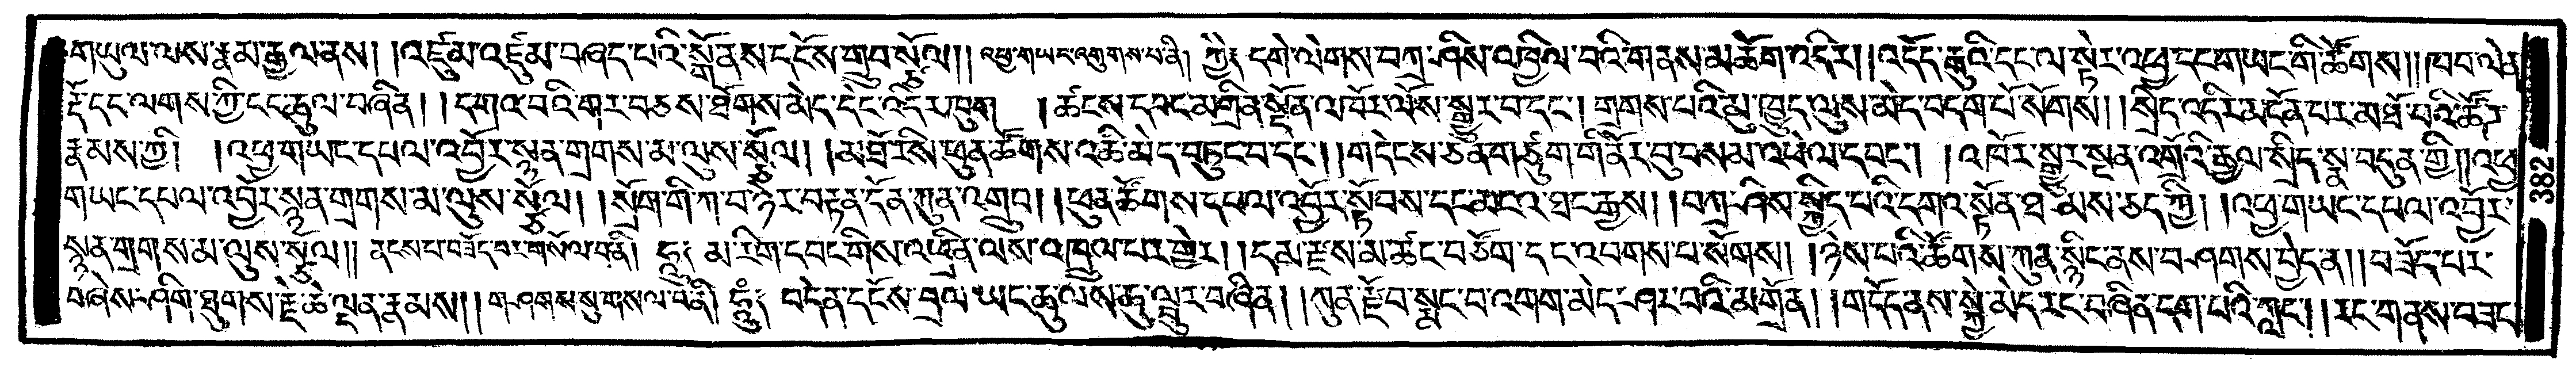གཡུལ་ལས་རྣམ་རྒྱལ་ནས། །འཛུམ་འཛུམ་བཞད་པའི་སྒོ་ནས་དངོས་གྲུབ་སྩོལ། །འཕྱ་གཡང་འགུགས་པ་ནི། ཀྱཻ། དགེ་ལེགས་བཀྲ་ཤིས་འཁྱིལ་བའི་གནས་མཆོག་འདིར། །འདོད་རྒུའི་དང་ལ་སྟེར་འཕྱ་དང་གཡང་གི་ཚོགས། །ཁབ་ལེན་
རྡོ་དང་ལགས་ཀྱི་ངང་ཆུལ་བཞིན། །དགའ་བའི་གར་བཅས་ཐོགས་མེད་དེང་འདིར་ཁུག །ཚངས་དབང་མགྲིན་སྔོན་འཁོར་ལོས་སྒྱུར་བ་དང་། གྲགས་པའི་མུ་ཁྱུད་ལུས་མེད་བདག་པོ་སོགས། །སྲིད་འདིར་མངོན་པར་མཐོ་བའི་ཚོགས་
རྣམས་ཀྱི། །འཕྱ་གཡང་དཔལ་འབྱོར་སྙན་གྲགས་མ་ལུས་སྩོལ། །མཐོ་རིས་ཕུན་ཚོགས་འཆི་མེད་བཏུང་བ་དང་། །གདེངས་ཅན་གཙུག་གི་ནོར་བུ་བསམ་འཕེལ་དབང་། །འཁོར་སྒྱུར་སྔན་འགྲོའི་རྒྱལ་སྲིད་སྣ་བདུན་གྱི། །འཕྱ་
གཡང་དཔལ་འབྱོར་སྙན་གྲགས་མ་ལུས་སྩོལ། །སྲོག་གི་ཀ་བ་ཉེར་བརྟན་དོན་ཀུན་འགྲུབ། །ཕུན་ཚོགས་དཔལ་འབྱོར་སྟོབས་དང་མངའ་ཐང་རྒྱས། །བཀྲ་ཤིས་སྐྱིད་པའི་དགའ་སྟོན་ཐམས་ཅད་ཀྱི། །འཕྱ་གཡང་དཔལ་འབྱོར་
སྙན་གྲགས་མ་ལུས་སྩོལ། །ནངས་པ་བཟོད་པར་གསོལ་བ་ནི། ཧཱུ། མ་རིག་དབང་གིས་འཕྲིན་ལས་འཁྲུལ་པར་གྱེར། །དམ་རྫས་མ་ཚང་བཙོག་དང་འབགས་པ་སོགས། །ཉེས་པའི་ཚོགས་ཀུན་སྙིང་ནས་བཤགས་བྱེད་ན། །བཟོད་པར་
བཞེས་ཤིག་ཐུགས་རྗེ་ཆེ་ལྡན་རྣམས། །གཤགས་སུ་གསལ་བ་ནི། ཧཱུཾ། བདེན་དངོས་བྲལ་ཡང་ཆུ་ལས་ཆུ་ལྦུར་བཞིན། །ཀུན་རྫོབ་སྨང་བ་འགག་མེད་ཤར་བའི་མགྲོན། །གདོད་ནས་སྐྱེ་མེད་རང་བཞིན་དག་པའི་ཀླང་། །རང་གནས་བཟང་